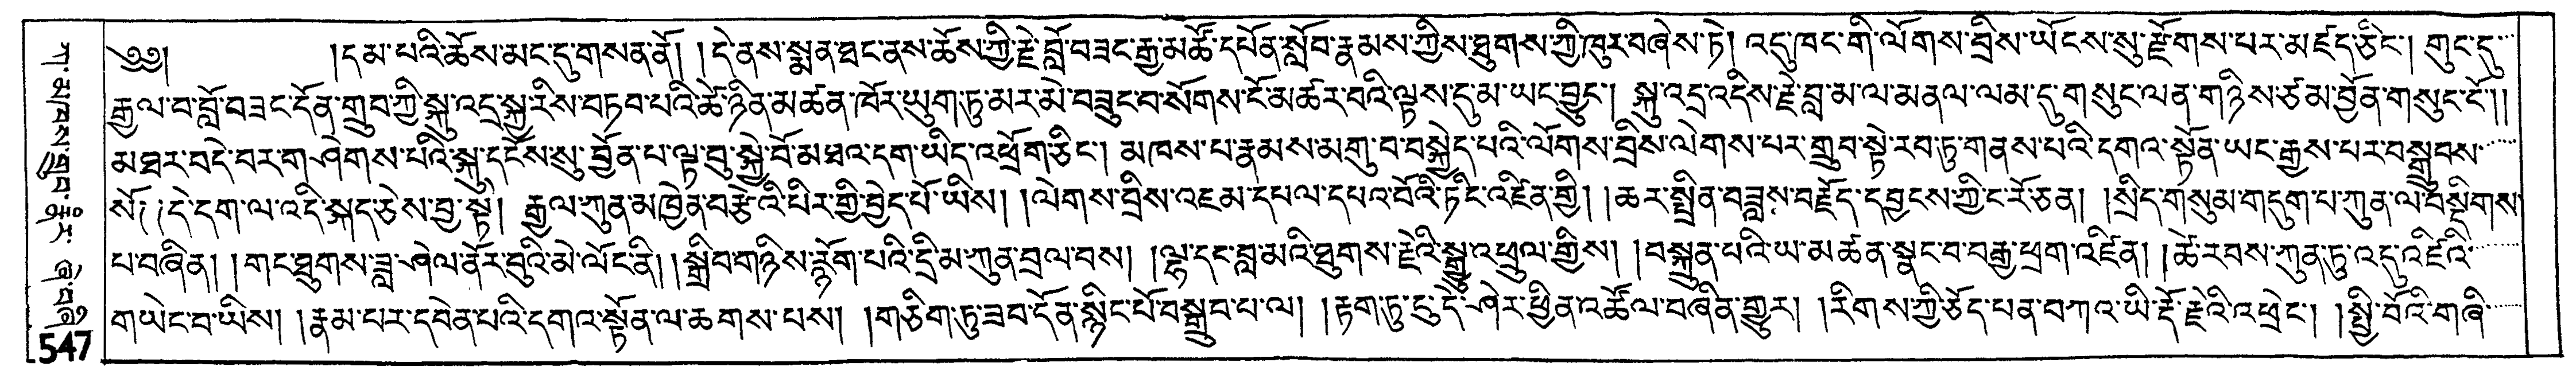༄༅། །དམ་པའི་ཆོས་མང་དུ་གསན་ནོ། །དེ་ནས་སྨན་ཐང་ནས་ཆོས་ཀྱི་རྗེ་བློ་བཟང་རྒྱ་མཚོ་དཔོན་སློབ་རྣམས་ཀྱིས་ཐུགས་ཀྱི་ཁུར་བཞེས་ཏེ། འདུ་ཁང་གི་ལོགས་བྲིས་ཡོངས་སུ་རྫོགས་པར་མཛད་ཅིང་། གུང་དུ་
རྒྱལ་བ་བློ་བཟང་དོན་གྲུབ་ཀྱི་སྐུ་འདྲ་སྐྱ་རིས་བཏབ་པའི་ཚེ་ཉིན་མཚན་ཁོར་ཡུག་ཏུ་མར་མེ་བཟུང་བ་སོགས་ངོ་མཚར་བའི་ལྟས་དུ་མ་ཡང་བྱུང་། སྐུ་འདྲ་འདིས་རྗེ་བླ་མ་ལ་མནལ་ལམ་དུ་གསུང་ལན་གཉིས་ཙམ་བྱོན་གསུང་ངོ། །
མཐར་བདེ་བར་གཤེགས་པའི་སྐུ་དངོས་སུ་བྱོན་པ་ལྟ་བུ་སྐྱེ་བོ་མཐའ་དག་ཡིད་འཕྲོག་ཅིང་། མཁས་པ་རྣམས་མགུ་བ་བསྐྱེད་པའི་ལོགས་བྲིས་ལེགས་པར་གྲུབ་སྟེ་རབ་ཏུ་གནས་པའི་དགའ་སྟོན་ཡང་རྒྱས་པར་བསྒྲུབས་
སོ༑ ༑དེ་དག་ལ་འདི་སྐད་ཅེས་བྱ་སྟེ། རྒྱལ་ཀུན་མཁྱེན་བརྩེའི་པིར་གྱི་བྱེད་པོ་ཡིས། །ལེགས་བྲིས་འཇམ་དཔལ་དཔའ་བོའི་ཏིང་འཛིན་གྱི། །ཆར་སྤྲིན་བཟླས་བརྗོད་དབྱངས་ཀྱི་ང་རོ་ཅན། །སྲིད་གསུམ་གདུག་པ་ཀུན་ལ་བསྡིགས་
པ་བཞིན། །གང་ཐུགས་ཟླ་ཤེལ་ནོར་བུའི་མེ་ལོང་ནི། །སྒྲིབ་གཉིས་རྙོག་པའི་དྲི་མ་ཀུན་བྲལ་བས། །ལྷ་དང་བླ་མའི་ཐུགས་རྗེའི་སྒྱུ་འཕྲུལ་གྱིས། །བསྐྲུན་པའི་ཡ་མཚན་སྣང་བ་བརྒྱ་ཕྲག་འཛིན། །ཚེ་རབས་ཀུན་ཏུ་འདུ་འཛིའི་
གཡེང་བ་ཡིས། །རྣམ་པར་དབེན་པའི་དགའ་སྟོན་ལ་ཆགས་པས། །གཅིག་ཏུ་ཟབ་དོན་སྙིང་པོ་བསྒྲུབ་པ་ལ། །རྟག་ཏུ་ངུ་དེ་ཤེར་ཕྱིན་འཚོལ་བཞིན་གྱུར། །རིགས་ཀྱི་ཅོད་པན་བཀའ་ཡི་རྡོ་རྗེའི་འཕྲེང་། །སྤྱི་བོའི་གཞི་